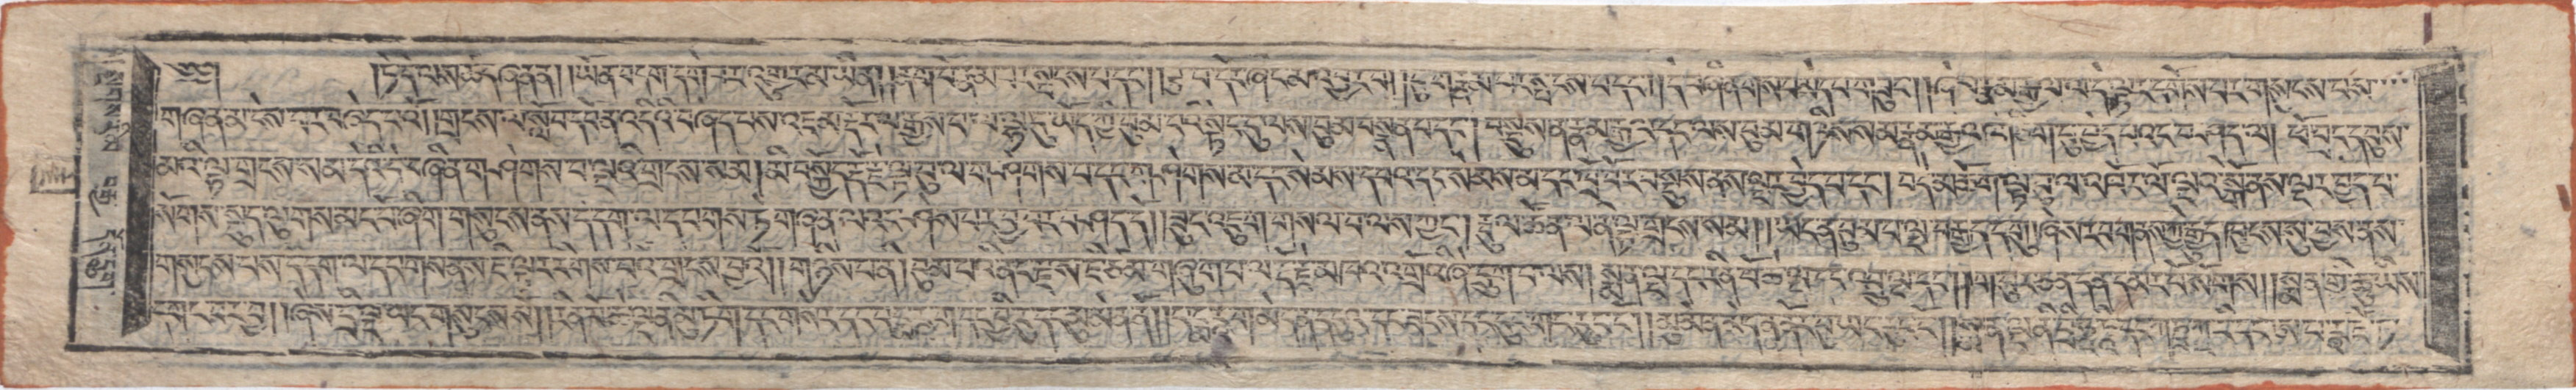༄༅། །ཏེ་དེ་ལས་ཚད་ཞན་ན། །ཡོན་བདག་དགེ་བར་འགྱུར་མ་ཡིན། །ནག་པོ་རྣམ་པར་སྤངས་པ་དང་། །རྩ་བ་དོར་ཞིང་མ་འབྱར་བ། །བུ་ག་རྣམ་པར་སྤངས་པ་དང་། །དེ་བཞིན་གས་པ་མེད་པ་གཟུང་། །ཞེས་རྣམ་རྒྱལ་ལ་དེ་ལྟར་དགོས་པར་གསུངས་པས་
གཞན་མ་ངེས་པར་བཞེད་པའོ། །གྲངས་ལ་སློབ་དཔོན་འདིའི་བཞེད་པས་འཇམ་རྡོར་ལ་རྒྱས་པ་ལ་ལྷ་དུ་ཡོད་ཀྱི་བུམ་པའི་སྟེང་དུ་ལས་བུམ་བསྣན་པ་དང་། བསྡུས་ན་རྣམ་རྒྱལ་དང་ལས་བུམ་གཉིས་སམ་རྣམ་རྒྱལ་གཅིག་བུ་བྱེད་པའང་བཤད་ལ། ཕོ་བྲང་དབུས་
མའི་ལྷ་གྲངས་སམ་དེའི་དེ་བཞིན་གཤེགས་པ་ལྔའི་གྲངས་སམ། མི་བསྐྱོད་རྡོ་རྗེ་ལྟ་བུ་ལ་གཤེགས་པ་དང་གཤེགས་མ་དང་སེམས་དཔའ་དང་སེམས་མ་དང་ཁྲོ་བོར་བསྡུས་ནས་ལྔར་བྱེད་པ་དང་། བདེ་མཆོག་ལྟ་བུ་ལ་འཁོར་ལོ་ལྔའི་སྒོ་ནས་ལྔར་བྱེད་པ་
སོགས་སྡུད་ལུགས་མང་པོ་ཞིག་གསུངས་ནས་དེ་དག་ལ་དཔགས་ཏེ་གཞན་ལའང་ཤེས་པར་བྱ་བར་བཤད་དོ། །ཟུང་འཇུག་གསལ་བ་ལས་ཀྱང་། རྡུལ་ཚོན་ལ་ནི་ལྷ་གྲངས་སམ། །ཡང་ན་བུམ་པ་ལྔ་བརྒྱད་དགུ །ཞེས་རབ་གནས་ཀྱི་རྒྱུད་ཁུངས་སུ་བྱས་ནས་
གསུངས་པས་དེ་དག་ལ་དཔགས་ནས་ཇི་ལྟར་རིགས་པའི་གྲངས་བྱའོ། །གཉིས་པ་ནི། བུམ་པའི་ནང་རྫས་ཇི་ཙམ་གཞུག་པ་ལ་རྡོ་རྗེ་མཁའ་འགྲོའི་ཞེ་དྲུག་པ་ལས། སྨན་ལྔ་དང་རིན་པོ་ཆེ་ལྔ་དང་འབྲུ་ལྔ་དང་། །ག་བུར་ཙན་དན་དམར་པོ་སོགས། །སྨན་གྱི་ཆུ་ཡིས་
དགང་བར་བྱ། །ཞེས་དྲི་ལྔ་ཡང་གསུངས་སོ། །རིན་པོ་ཆེ་ལྔ་ནི་མུ་ཏིག་དང་གསེར་དང་པདམ་རཱ་ག་དང་བྱི་རུ་དང་མུ་མེན་ནོ། །པདམ་རཱ་ག་མེད་ན་དངུལ་དང་ཟངས་དང་དུང་གང་རུང་ངོ། །མུ་མེན་མེད་ན་ནོར་བུ་ཡང་རུང་ངོ། །སྨན་ལྔ་ནི་བྲི་ཧཱ་ཧཱི་དང་ཀཎྜ་ཀཱ་རི་དང་ཨ་པ་རཱ་ཛེ་ཏ་